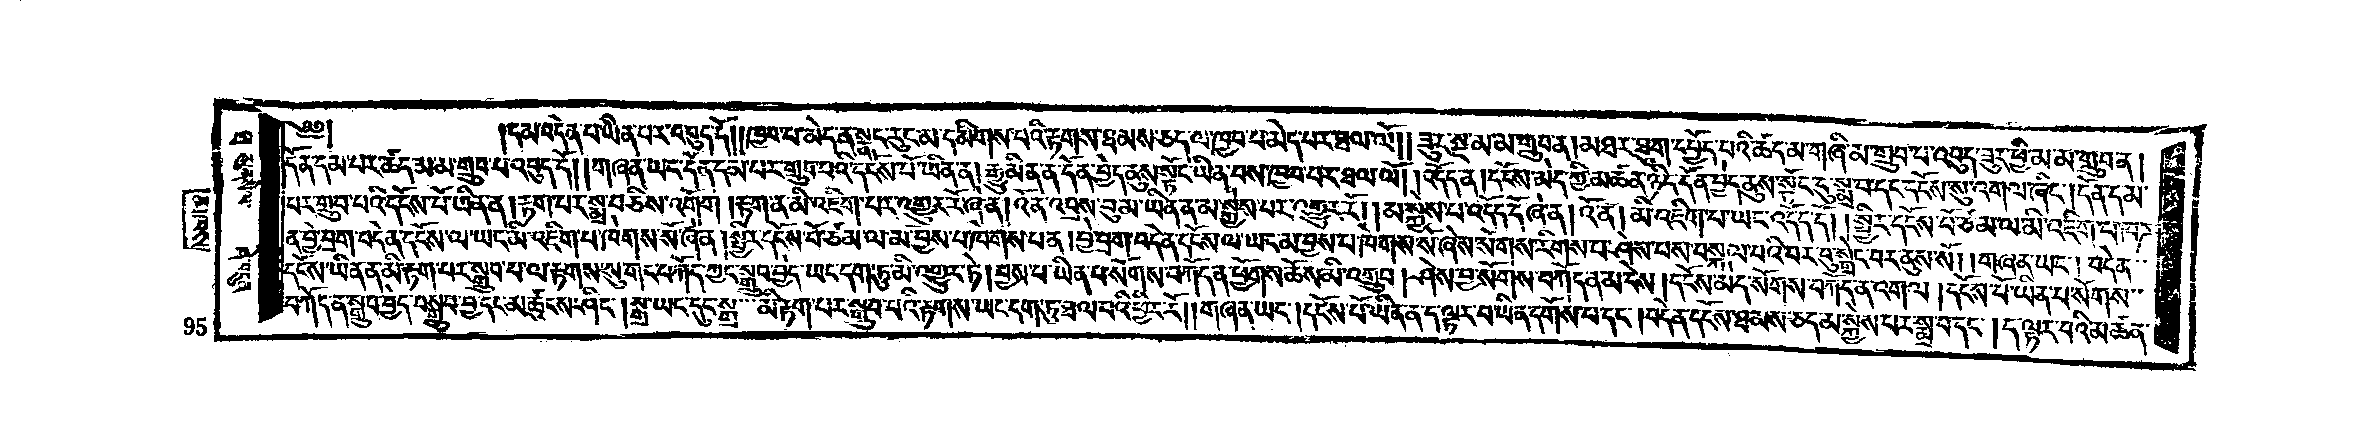༄༅། །དམ་བདེན་པ་ཡིན་པར་འབུད་དོ། །ཁྱབ་པ་མེད་ན་སྣང་རུང་མ་དམིགས་པའི་རྟགས་ཐམས་ཅད་ལ་ཁྱབ་པ་མེད་པར་ཐལ་ལོ། །ཟུར་སྔ་མ་མ་གྲུབ་ན། མཐར་ཐུག་དཔྱོད་པའི་ཚད་མ་གཞི་མ་གྲུབ་པ་འབུད་ཟུར་ཕྱི་མ་མ་གྲུབ་ན།
དོན་དམ་པར་ཚད་མ་མ་གྲུབ་པ་འབུད་དོ། །གཞན་ཡང་དོན་དམ་པར་གྲུབ་པའི་དངོས་པོ་ཡིན་ན། རྒྱུ་མིན་ན་དོན་བྱེད་ནུས་སྟོང་ཡིན་པས་ཁྱབ་པར་ཐལ་ལོ། །འདོད་ན། དངོས་མེད་ཀྱི་མཚན་ཉིད་དོན་བྱེད་ནུས་སྟོང་དུ་སྨྲ་བ་དང་དངོས་སུ་འགལ་ཞིང་། དོན་དམ་
པར་གྲུབ་པའི་དངོས་པོ་ཡིན་ན། རྟག་པར་སྨྲ་བ་ཅིས་འགོག །རྟག་ན་མི་འཇིག་པར་འགྱུར་རོ་ཞེ་ན། འོ་ན་འབྲས་བུ་མ་ཡིན་ན་མ་སྐྱེས་པར་འགྱུར་རོ། །མ་སྐྱེས་པ་འདོད་དོ་ཞེ་ན། འོ་ན། མི་འཇིག་པ་ཡང་འདོད་དོ། །སྤྱིར་དངོས་པོ་ཙམ་ལ་མི་འཇིག་པ་ཁཌ་
ན་བྱེ་བྲག་བདེན་དངོས་ལ་ཡང་མི་འཇིག་པ་ཁེགས་སོ་ཞེ་ན། སྤྱིར་དངོས་པོ་ཙམ་ལ་མ་བྱས་པ་ཁེགས་པ་ན། བྱེ་བྲག་བདེན་དངོས་ལ་ཡང་མ་བྱས་པ་ཁེགས་སོ་ཞེས་སོགས་རིགས་པ་ཤེས་པས་བསྐལ་པའི་བར་དུ་སྒྲེང་བར་ནུས་སོ། །གཞན་ཡང་། བདེན་
དངོས་ཡིན་ན་མི་རྟག་པར་སྒྲུབ་པ་ལ་རྟགས་སུ་གང་བཀོད་ཀྱང་སྒྲུབ་བྱེད་ཡང་དག་ཏུ་མི་འགྱུར་ཏེ། བྱས་པ་ཡིན་པ་སོགས་བཀོད་ན་ཕྱོགས་ཆོས་མི་འགྲུབ། ཤེས་བྱ་སོགས་བཀོད་ན་མ་ངེས། །དངོས་མེད་སོགས་བཀོད་ན་འགལ། དངོས་པོ་ཡིན་པ་སོགས་
བཀོད་ན་སྒྲུབ་བྱེད་བསྒྲུབ་བྱ་དང་མཚུངས་ཤིང་།སྒྲ་ཡང་དུང་སྒྲ་མི་རྟག་པར་སྒྲུབ་པའི་རྟགས་ཡང་དག་ཏུ་ཐལ་བའི་ཕྱིར་རོ། །གཞན་ཡང་། དངོས་པོ་ཡིན་ན་ད་ལྟར་བ་ཡིན་དགོས་པ་དང་། བདེན་དངོས་ཐམས་ཅད་མ་སྐྱེས་པར་སྨྲ་བ་དང་། ད་ལྟར་བའི་མཚན་